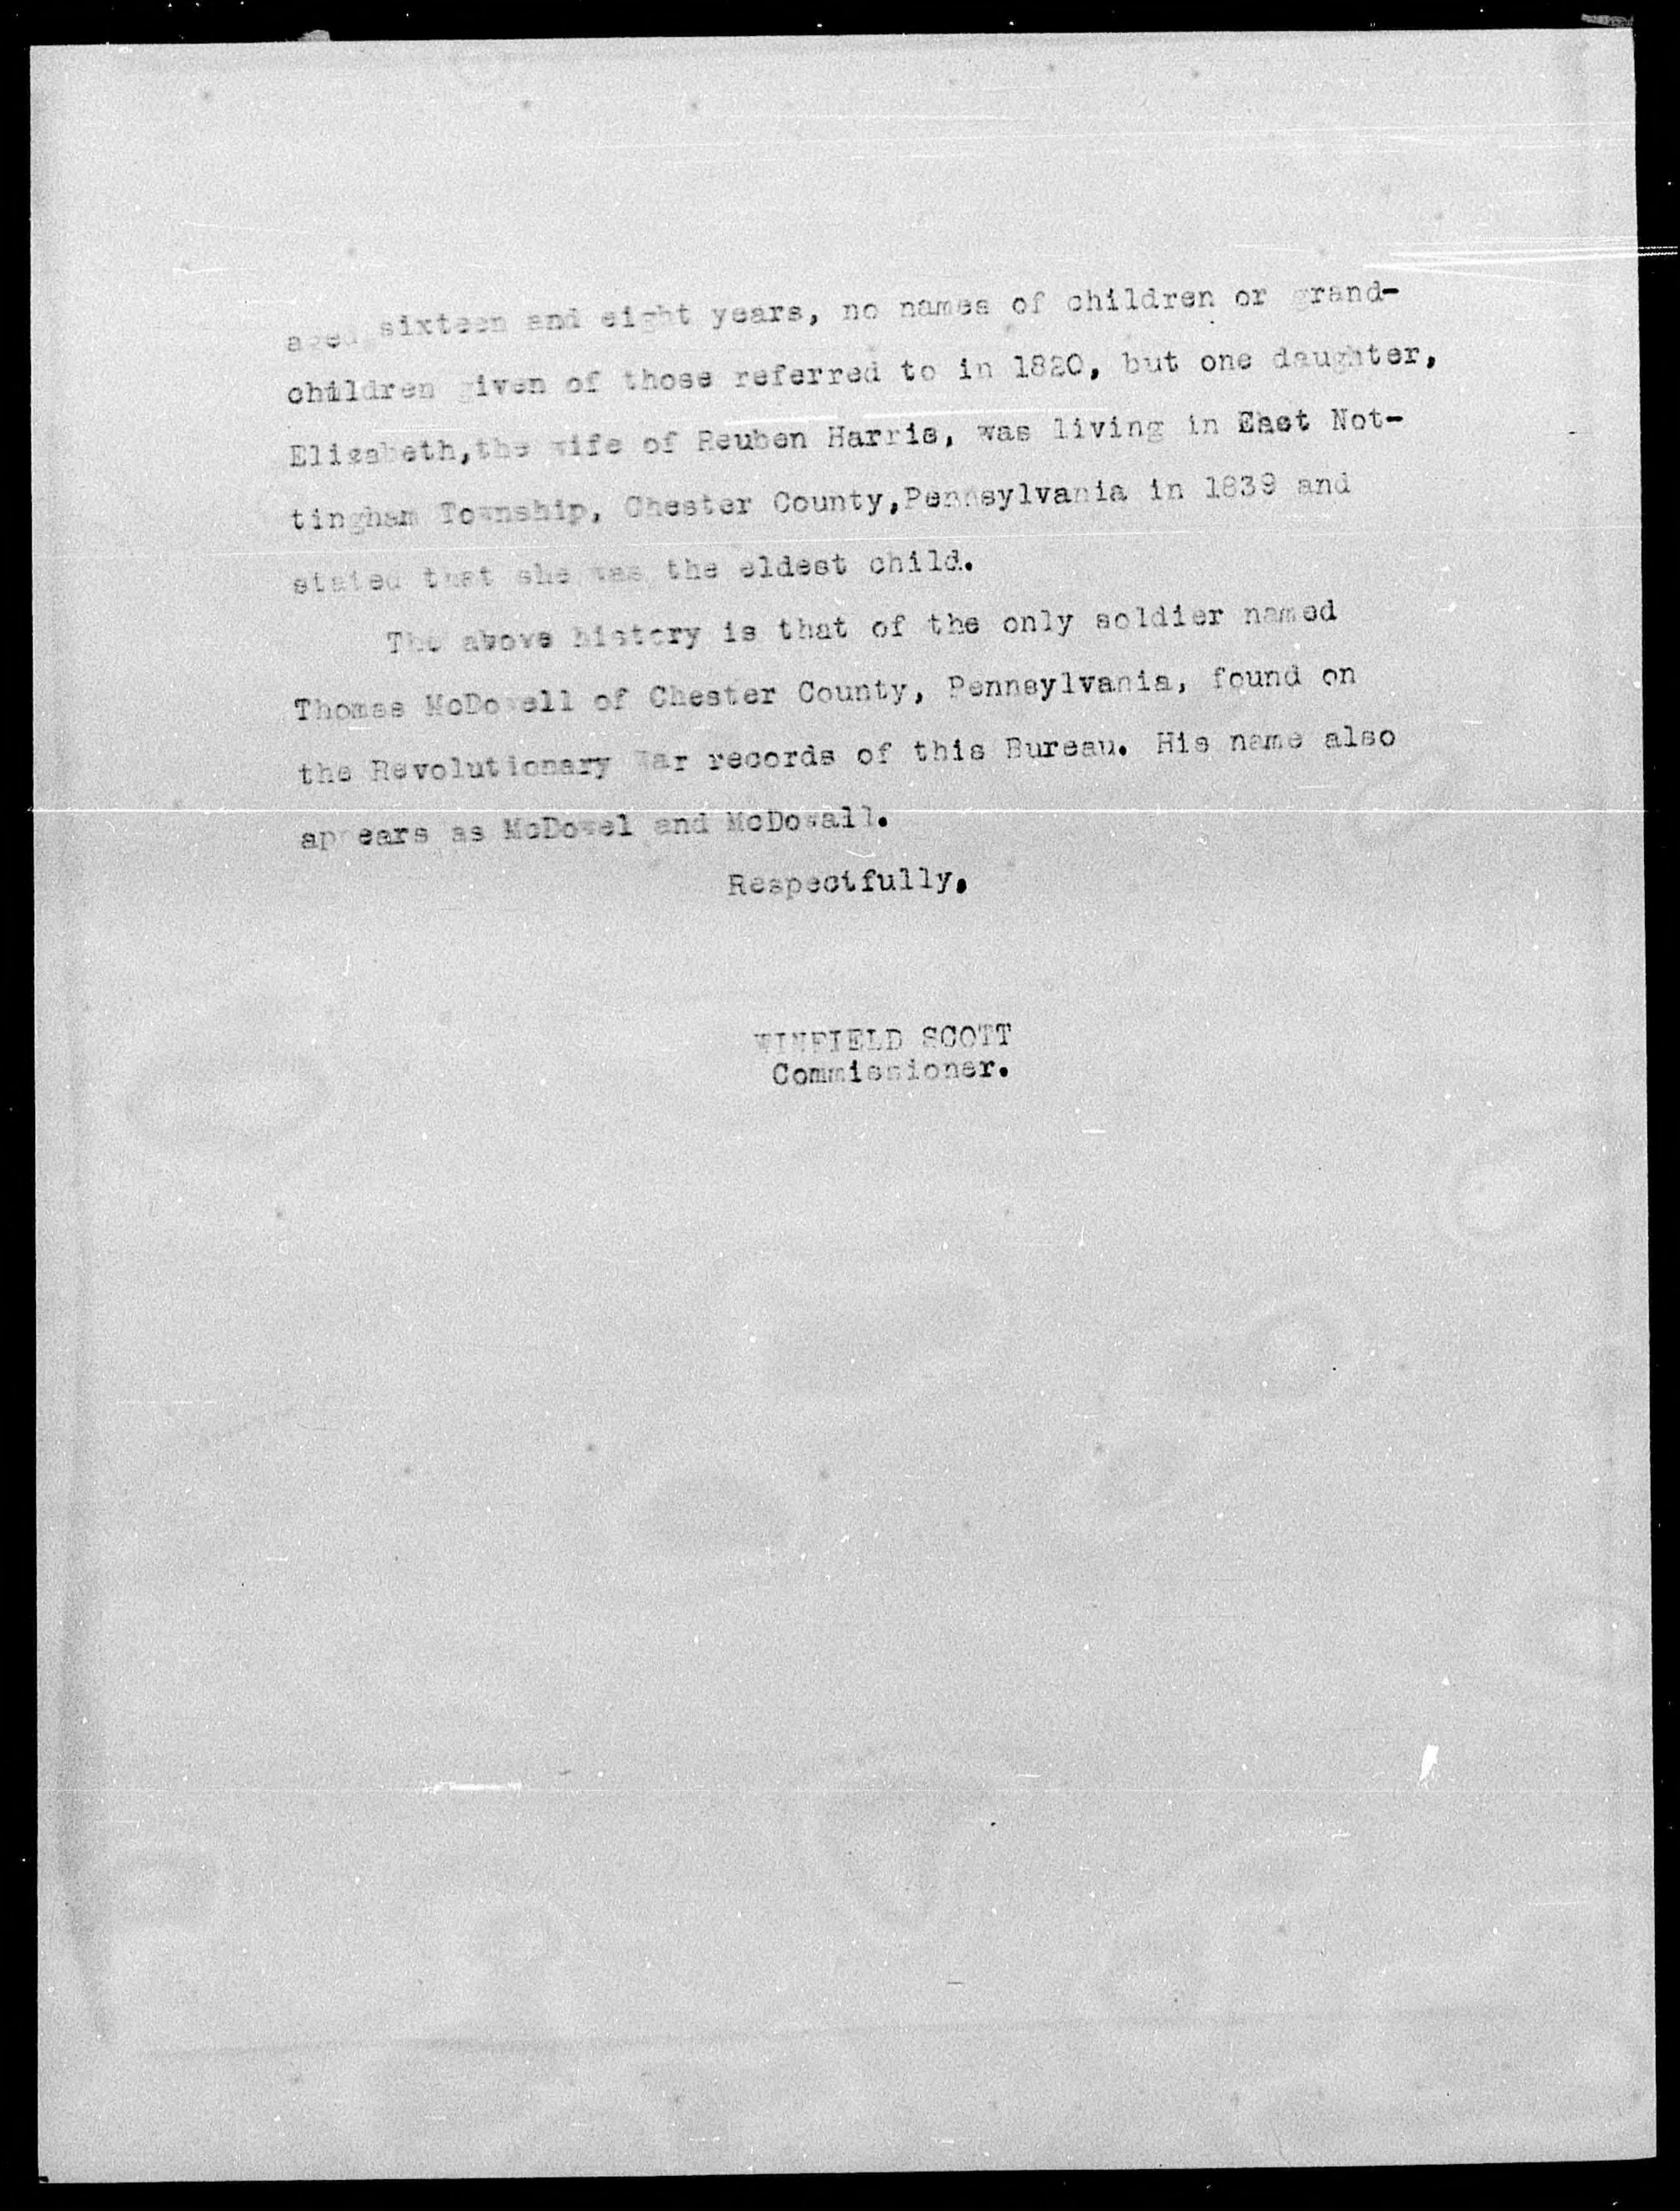aged sixteen and eight years, no names of children or grandchildren given of those referred to in 1920, but one daughter, Elizabeth,the wife of Reuben Harris, was living in East Nottingham Township, Chester County,Pennsylvania in 1839 and stated that she was the eldest child.

The above history is that of the only soldier named Thomas McDowell of Chester County, Pennsylvania, found on the Revolutionary War records of this Bureau. His name also appears as McDowel and MDowall.

Respectfully,

WINFIELD SCOTT
Commissioner.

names: [BLANK] Mc Dowel; [BLANK] Mc Dowall; Thomas Mc Dowell; Elizabeth [BLANK]; Winfield Scott; Reuben Harris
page: 20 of 63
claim: widow's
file: W 2957, for Thomas Mc Dowell, Maryland